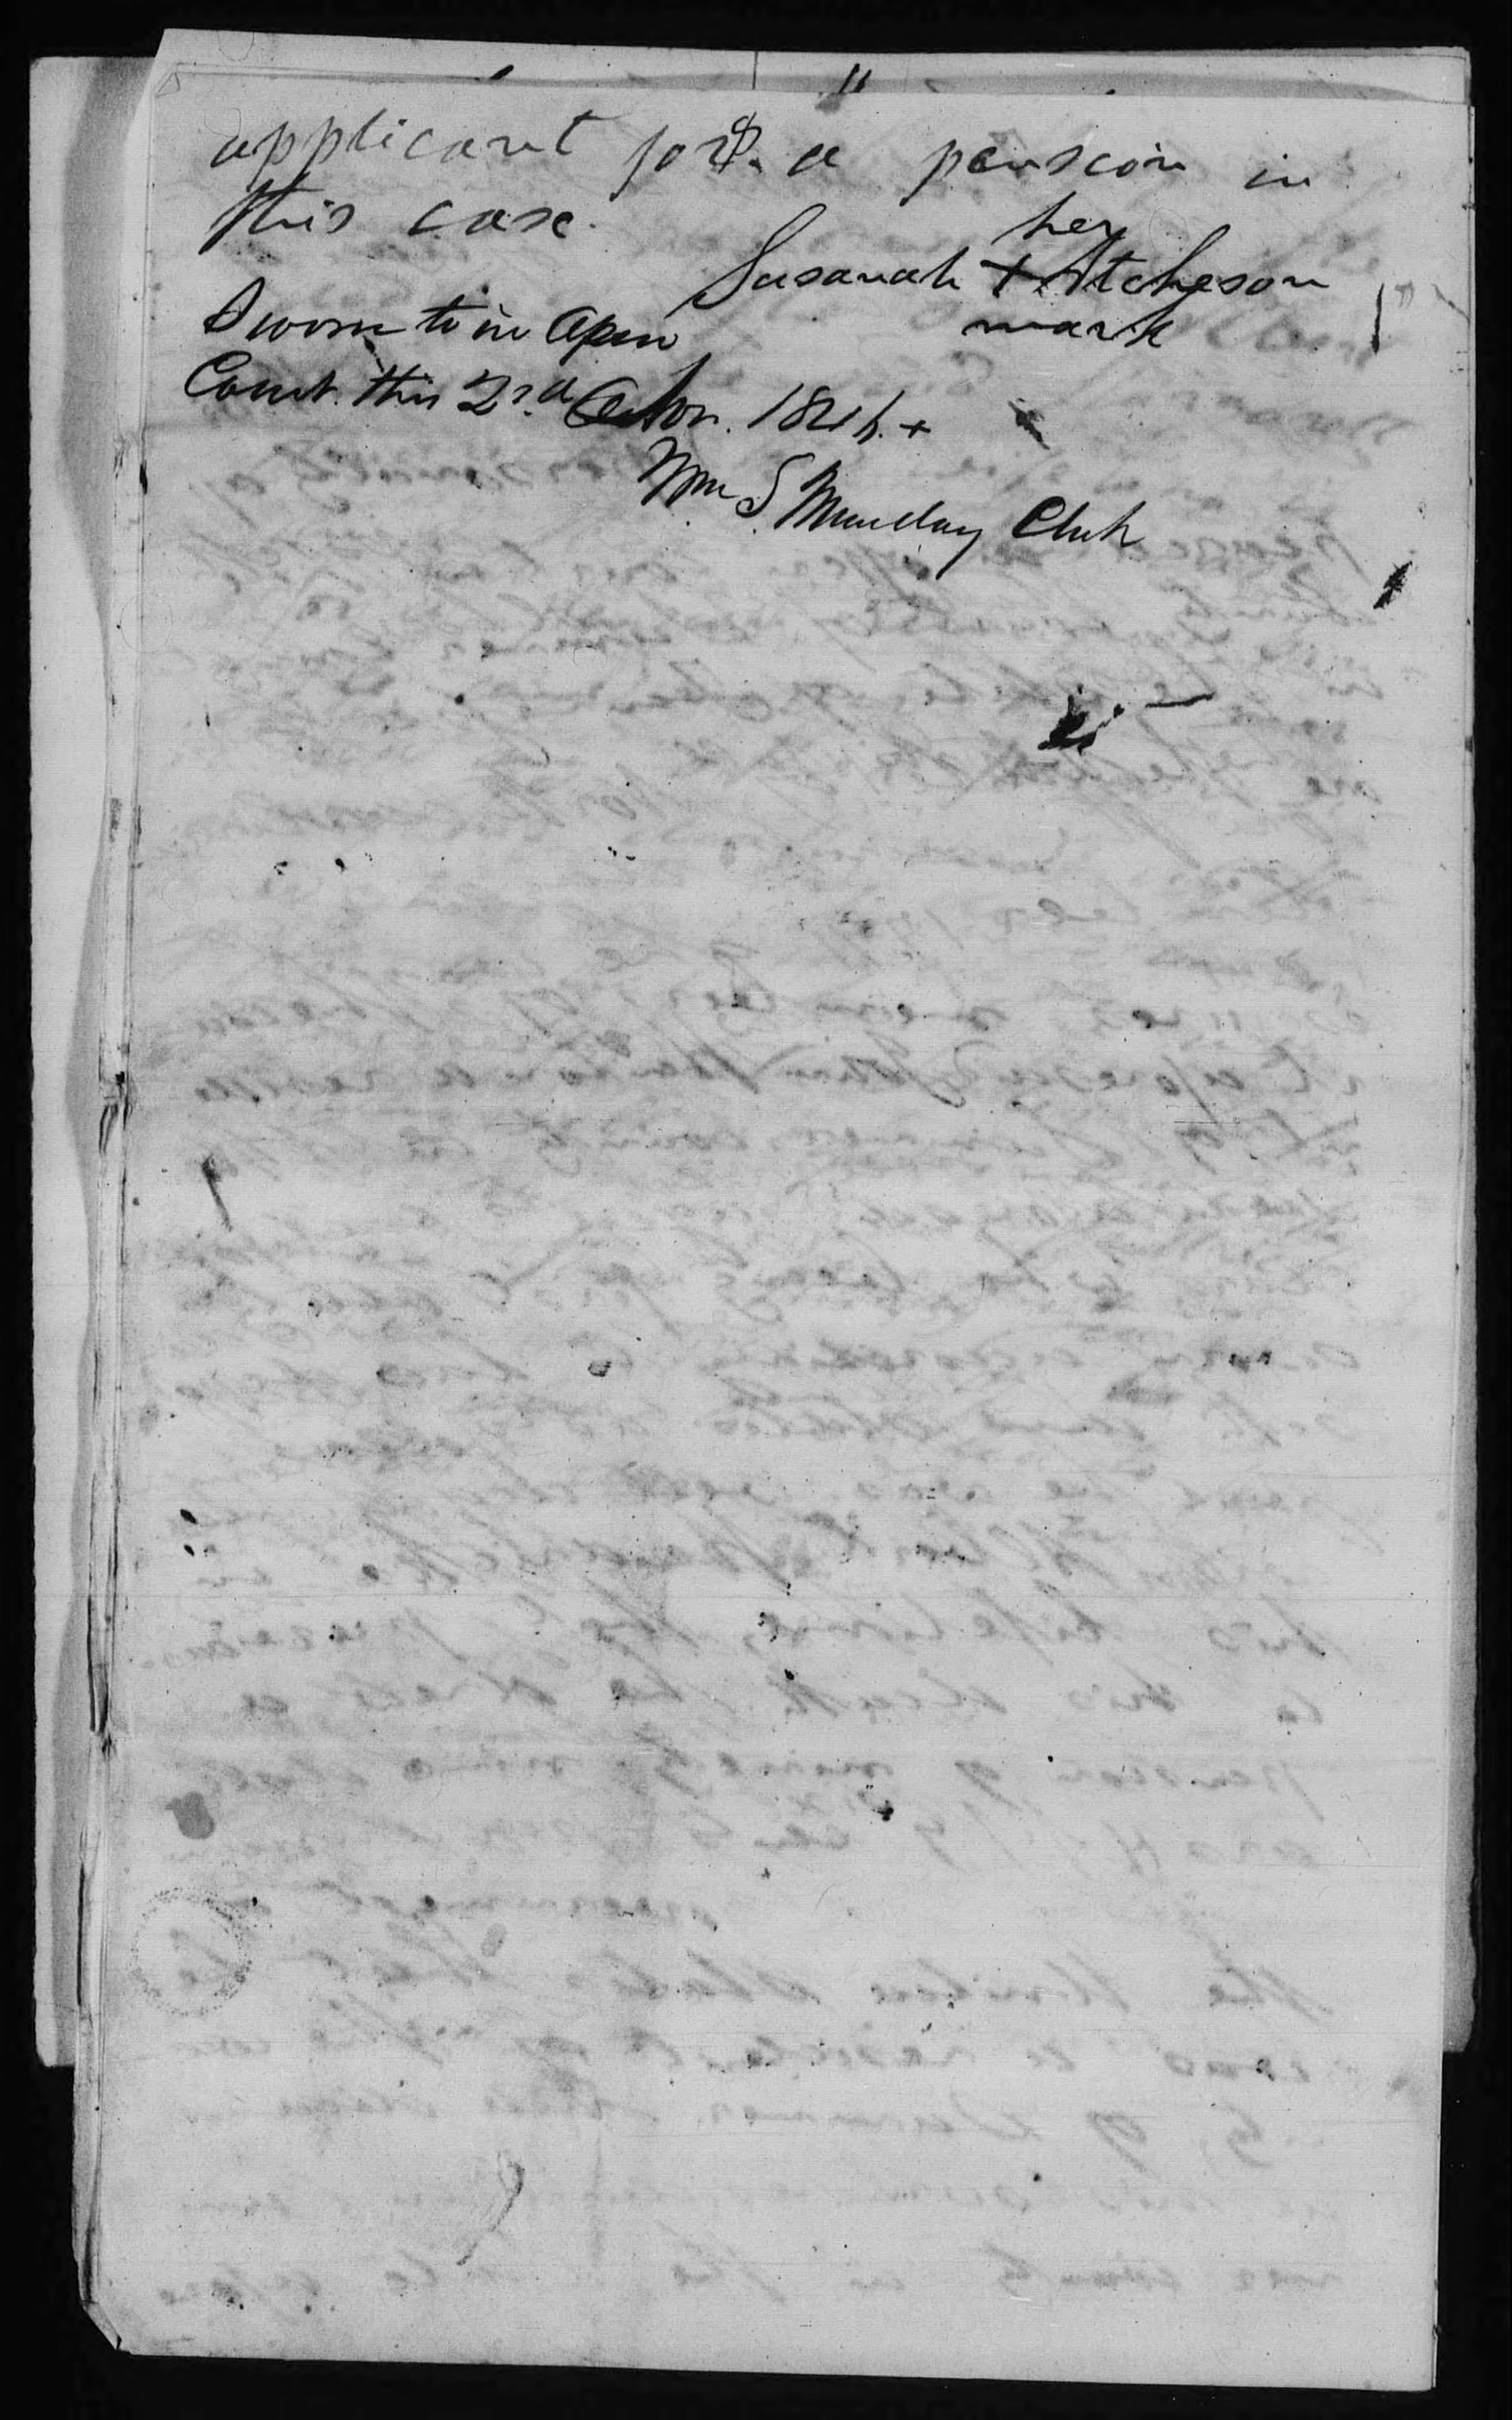applicant for sd. pension in this case. Susannah Atcheson X her mark

Sworn to in open court this 2d Nov. 1821
Wm S Munday Clerk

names: Wm S Munday, Susanah Atcheson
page: 30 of 76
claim: widow's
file: W. 83, Albert Hendricks, Continental Md. N.C.